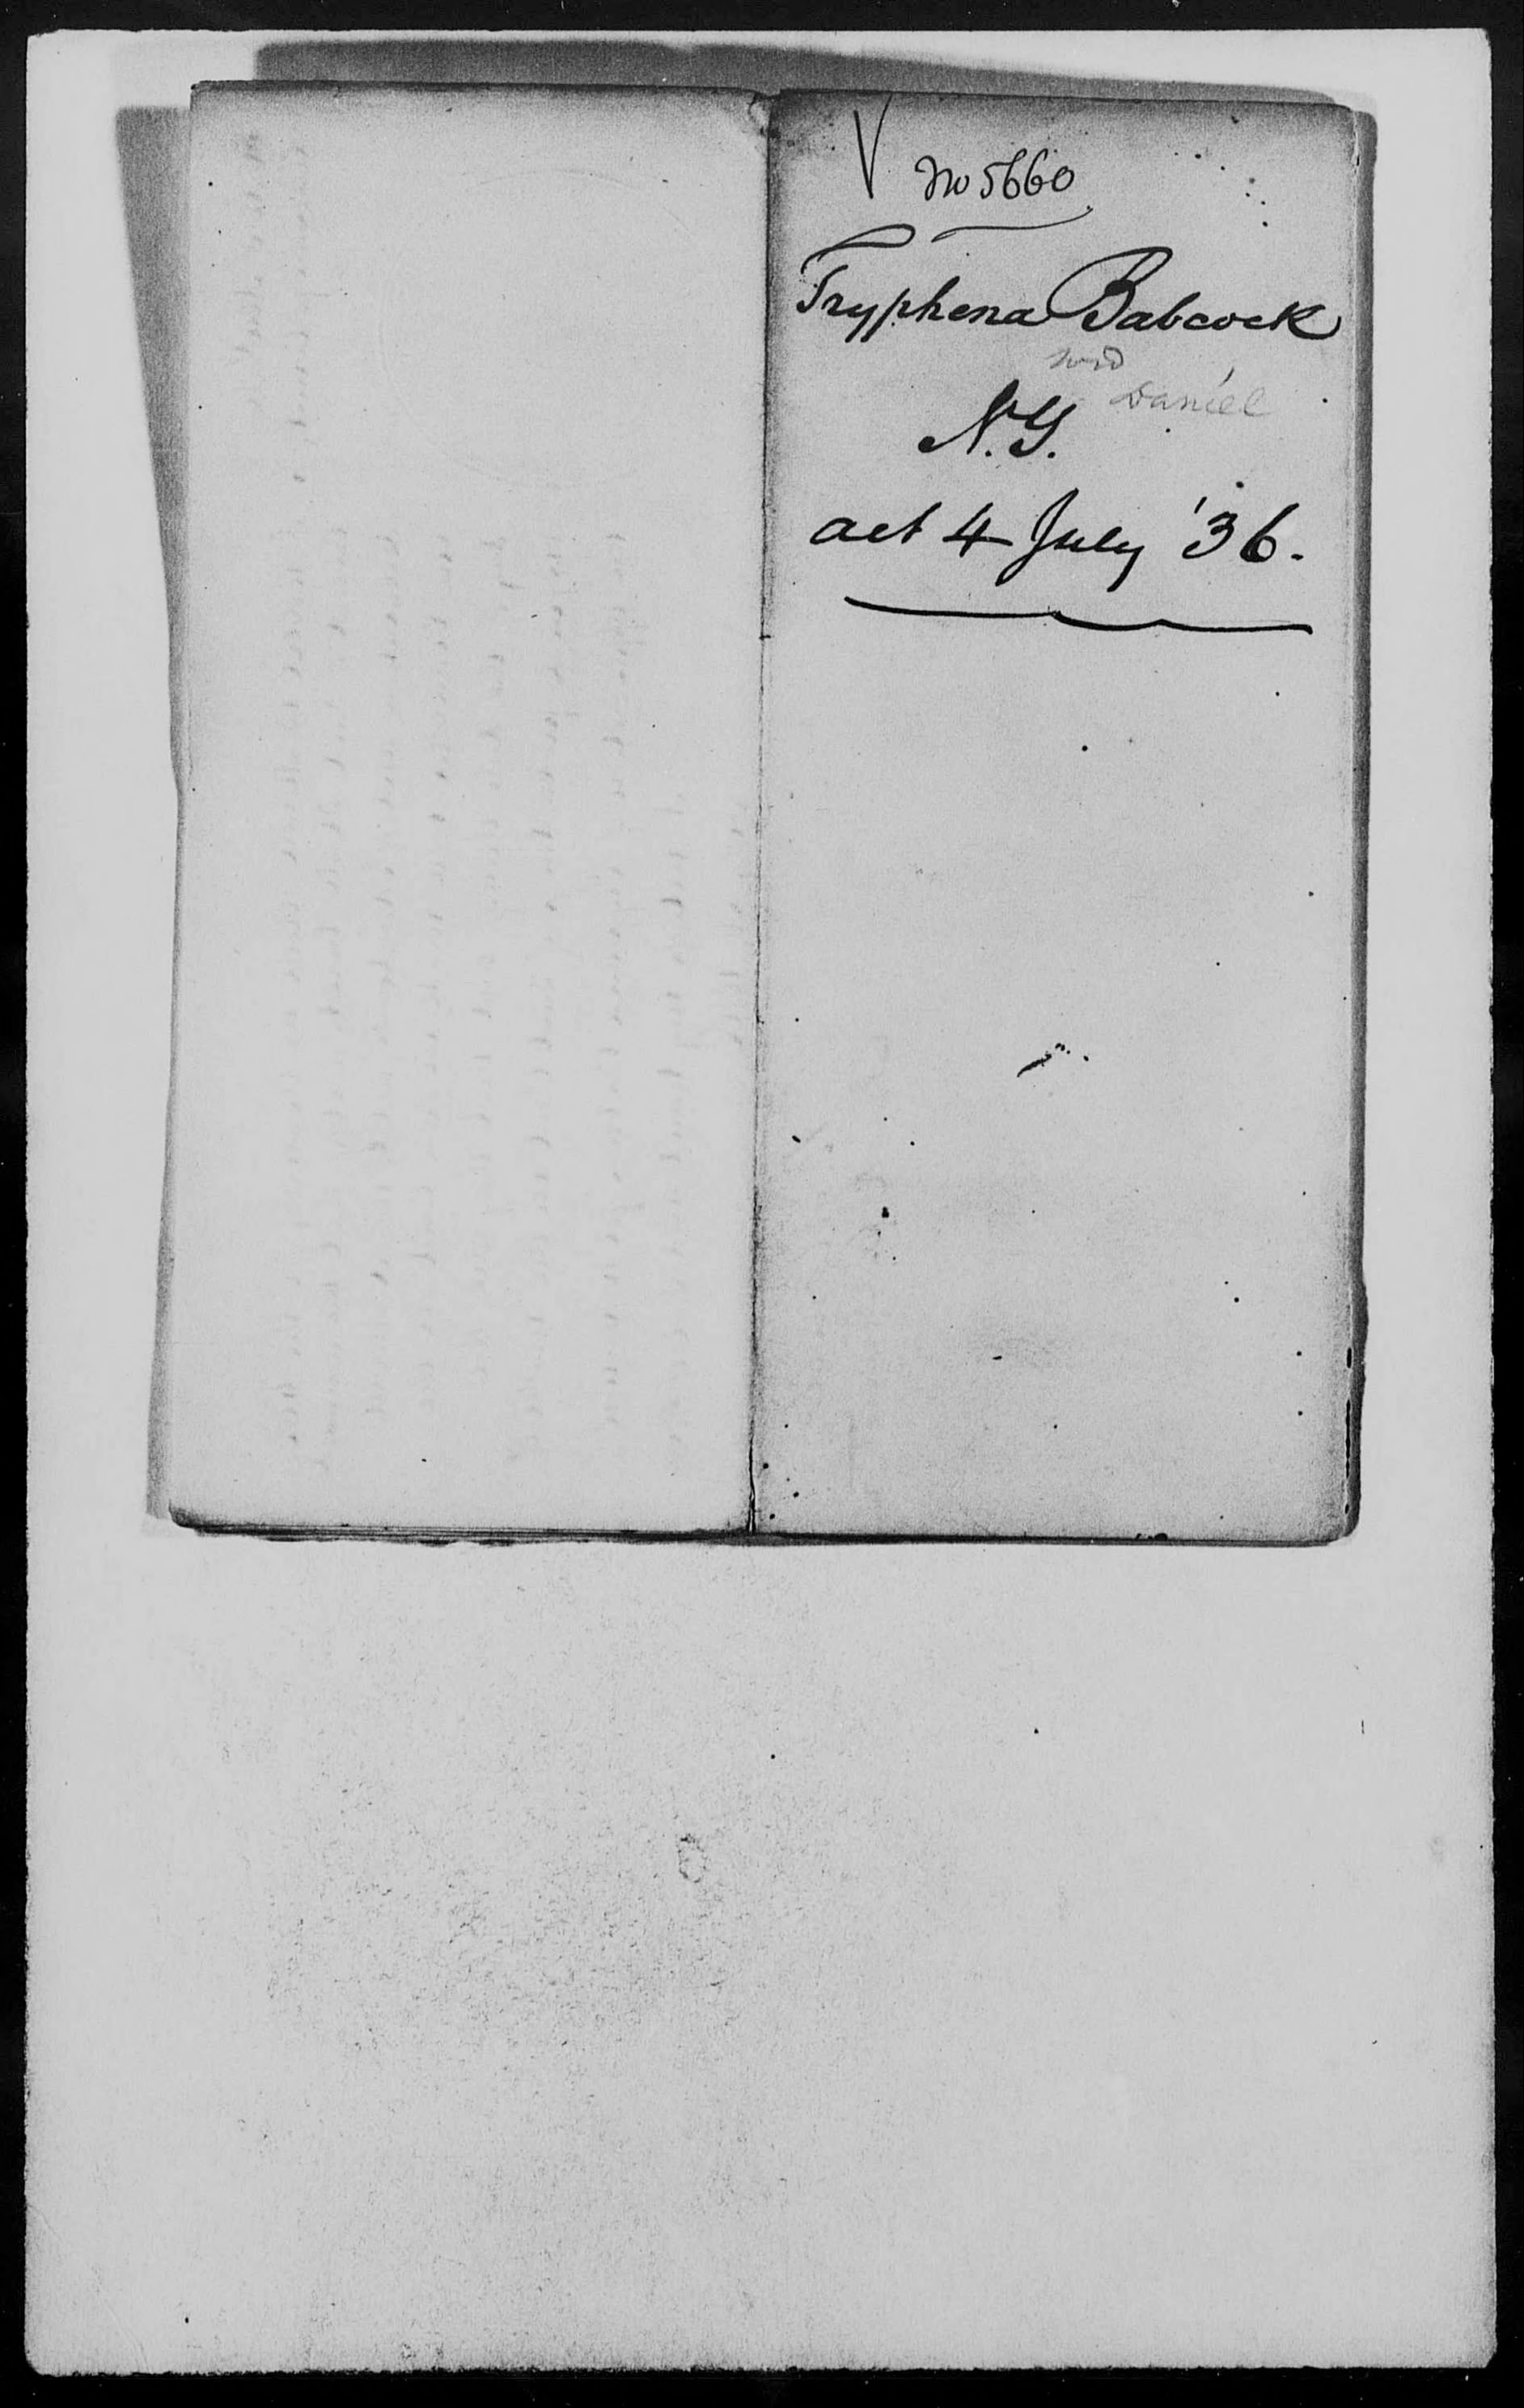V No 5660
Tryphena Babcock
Widow Daniel
N.Y.
Act 4 July ‘36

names: Tryphena Babcock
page: 5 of 10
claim: rejected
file: R. 345, Daniel Babcock, Conn.